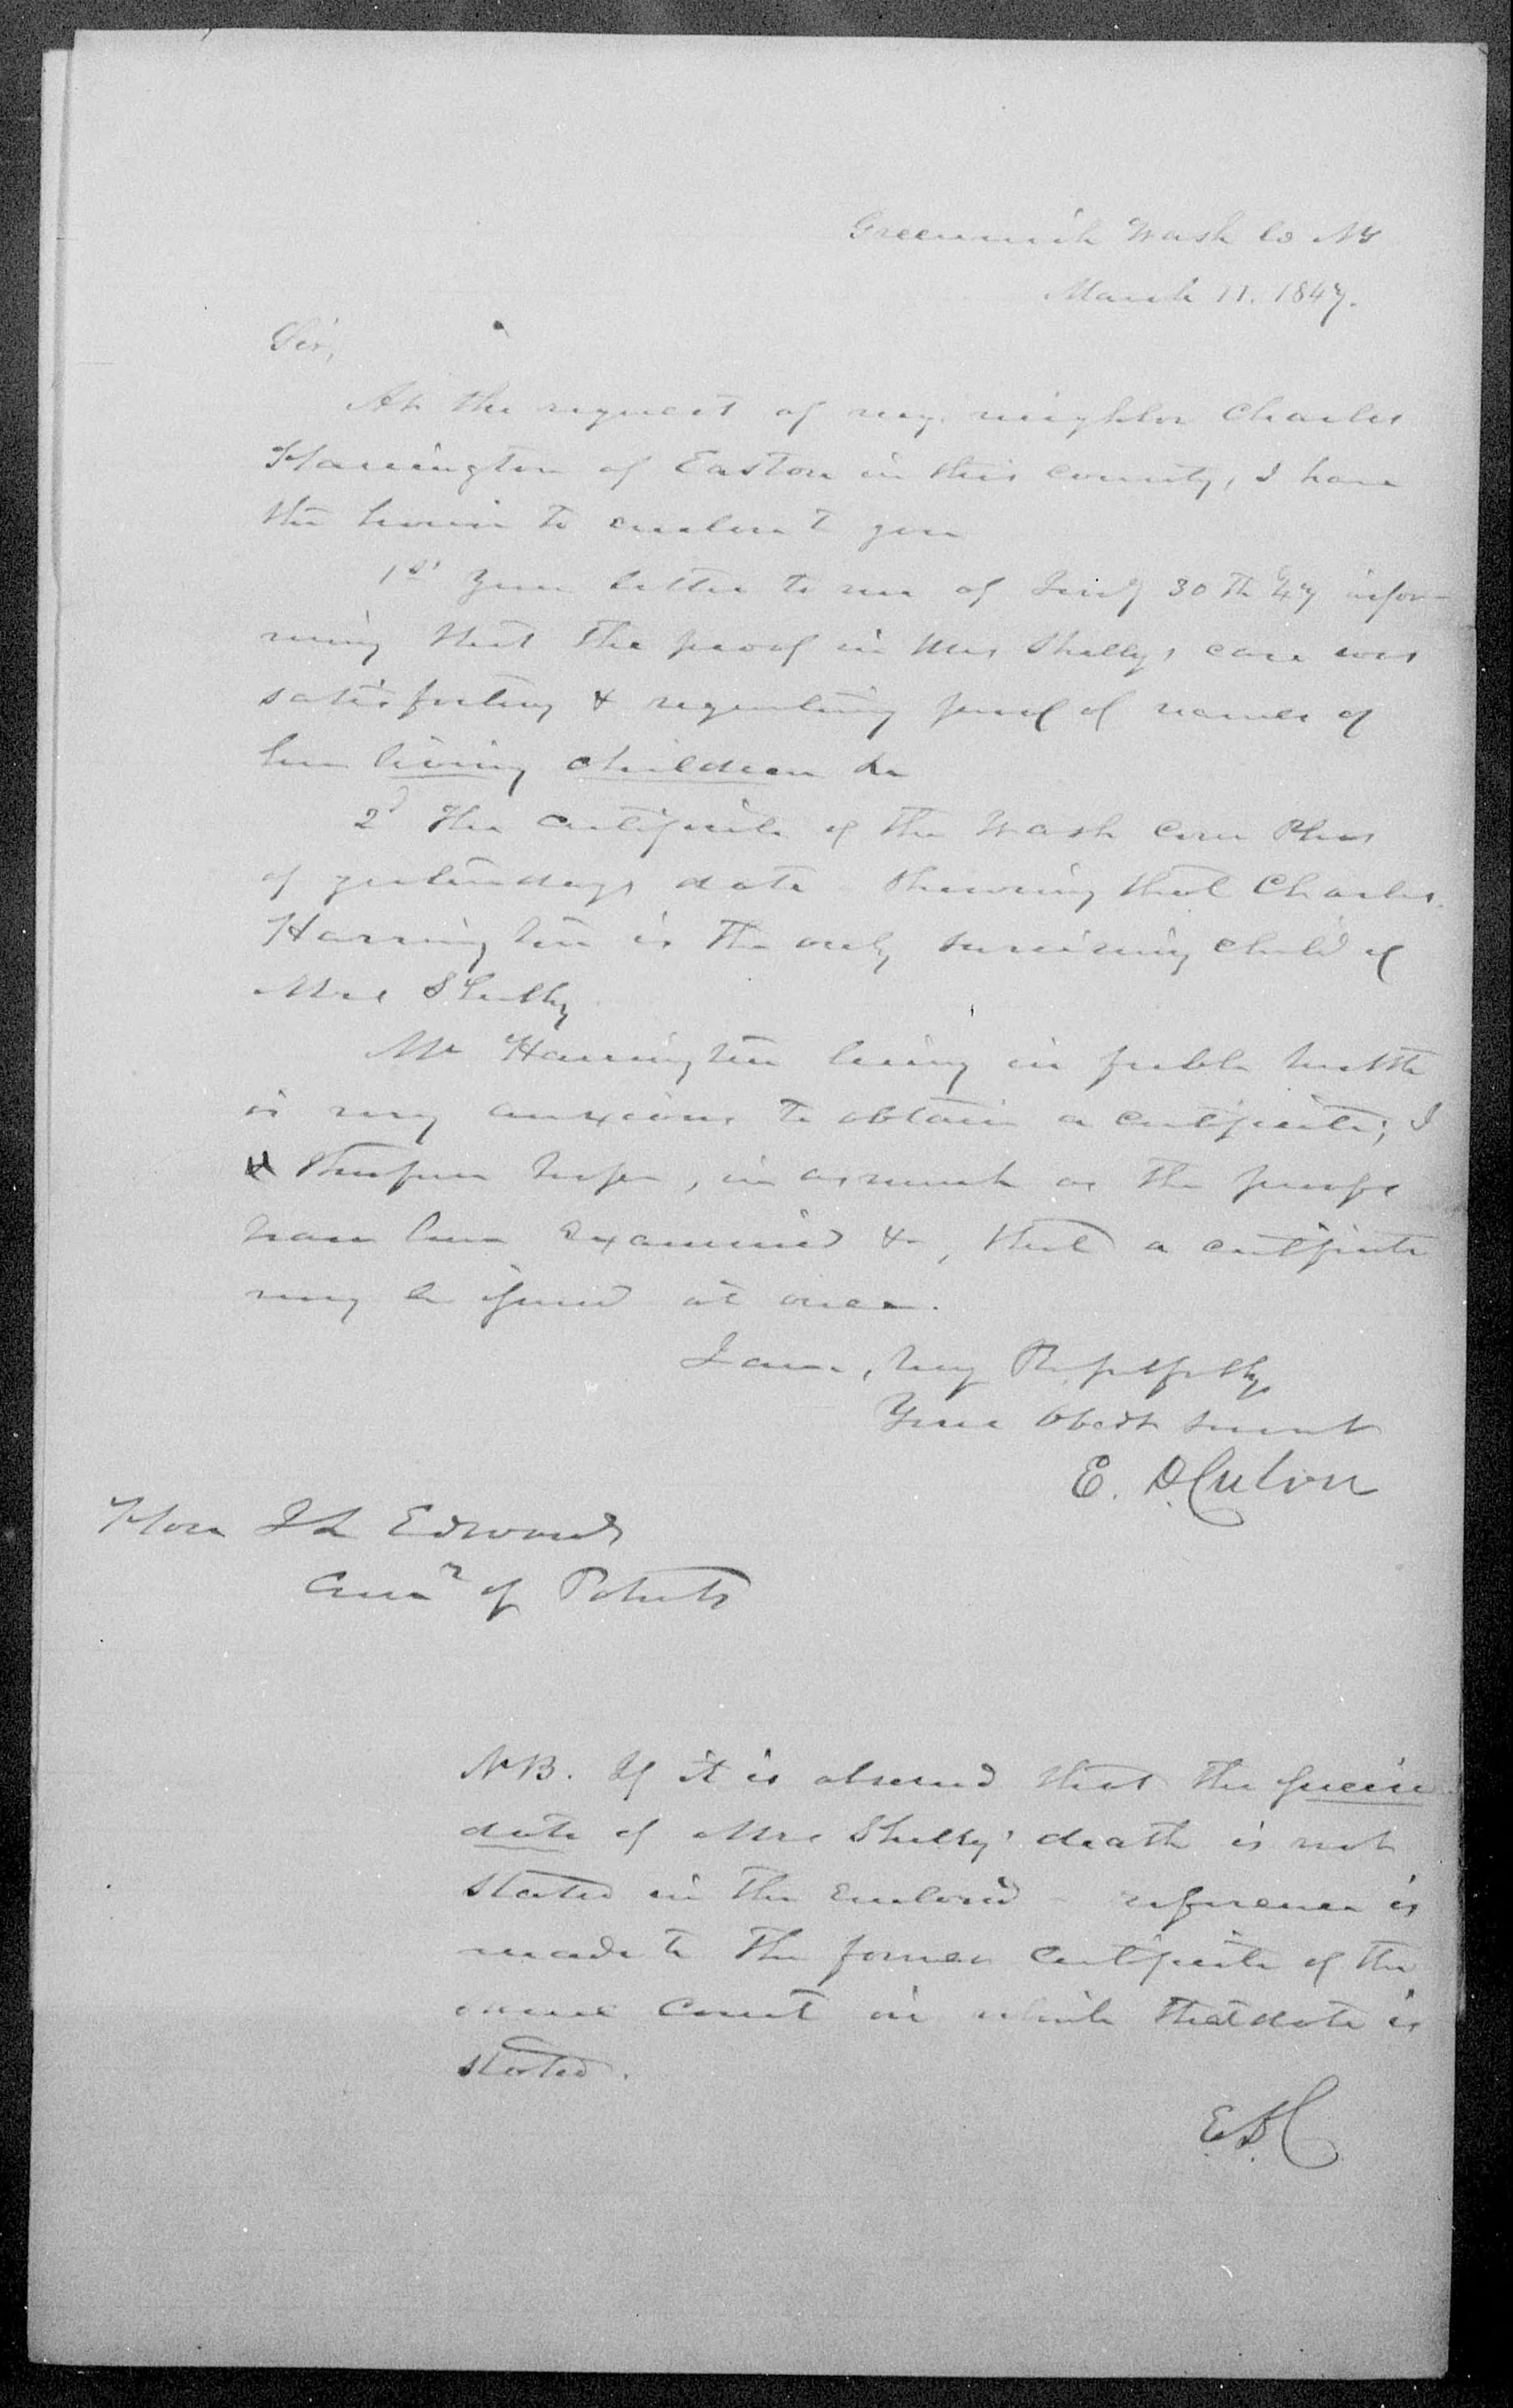Greenwich Wash Co NY
March 11, 1847.

Sir,

At the request of my neighbor Charles Harrington of Easton in this county, I have the herein to [illegible] to you

1st your letter to me of Jany [January] 30th 47 informing that the proof in Mrs Shelllys [Shelly's] case was satisfactory & requesting proof of names of her living children &c [etc.]

2nd The Certificate of the Wash [Washington] Comm [Common] Pleas of yesterdays [yesterday's] date showing that Charles Harrington is the only surviving child of Mrs Shelly

Mr Harrington being in feeble health is very anxious to obtain a certificate; I ["&" crossed out] therefore hope, in [illegible] as the proofs have been examined &c, that a certificate may be issued at once.

I am, very Respectfully,
Your obedt [obedient] servant
E. D. Culver

Hon J L Edwards
Commr [Commissioner] of Pensions

NB. If it is observed that the precise date of Mrs Shellys [Shelly's] death is not stated in the Enclosed, reference is made to the former certificate of the [illegible] Court in which that data is stated.
EDC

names: Harrington, Charles Harrington, Shelley, E D Culver, J L Edwards, Shelly, Charles Harrington, Shelly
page: 51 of 51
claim: widow's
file: W. 19,026, Israel Harrington, R.I.